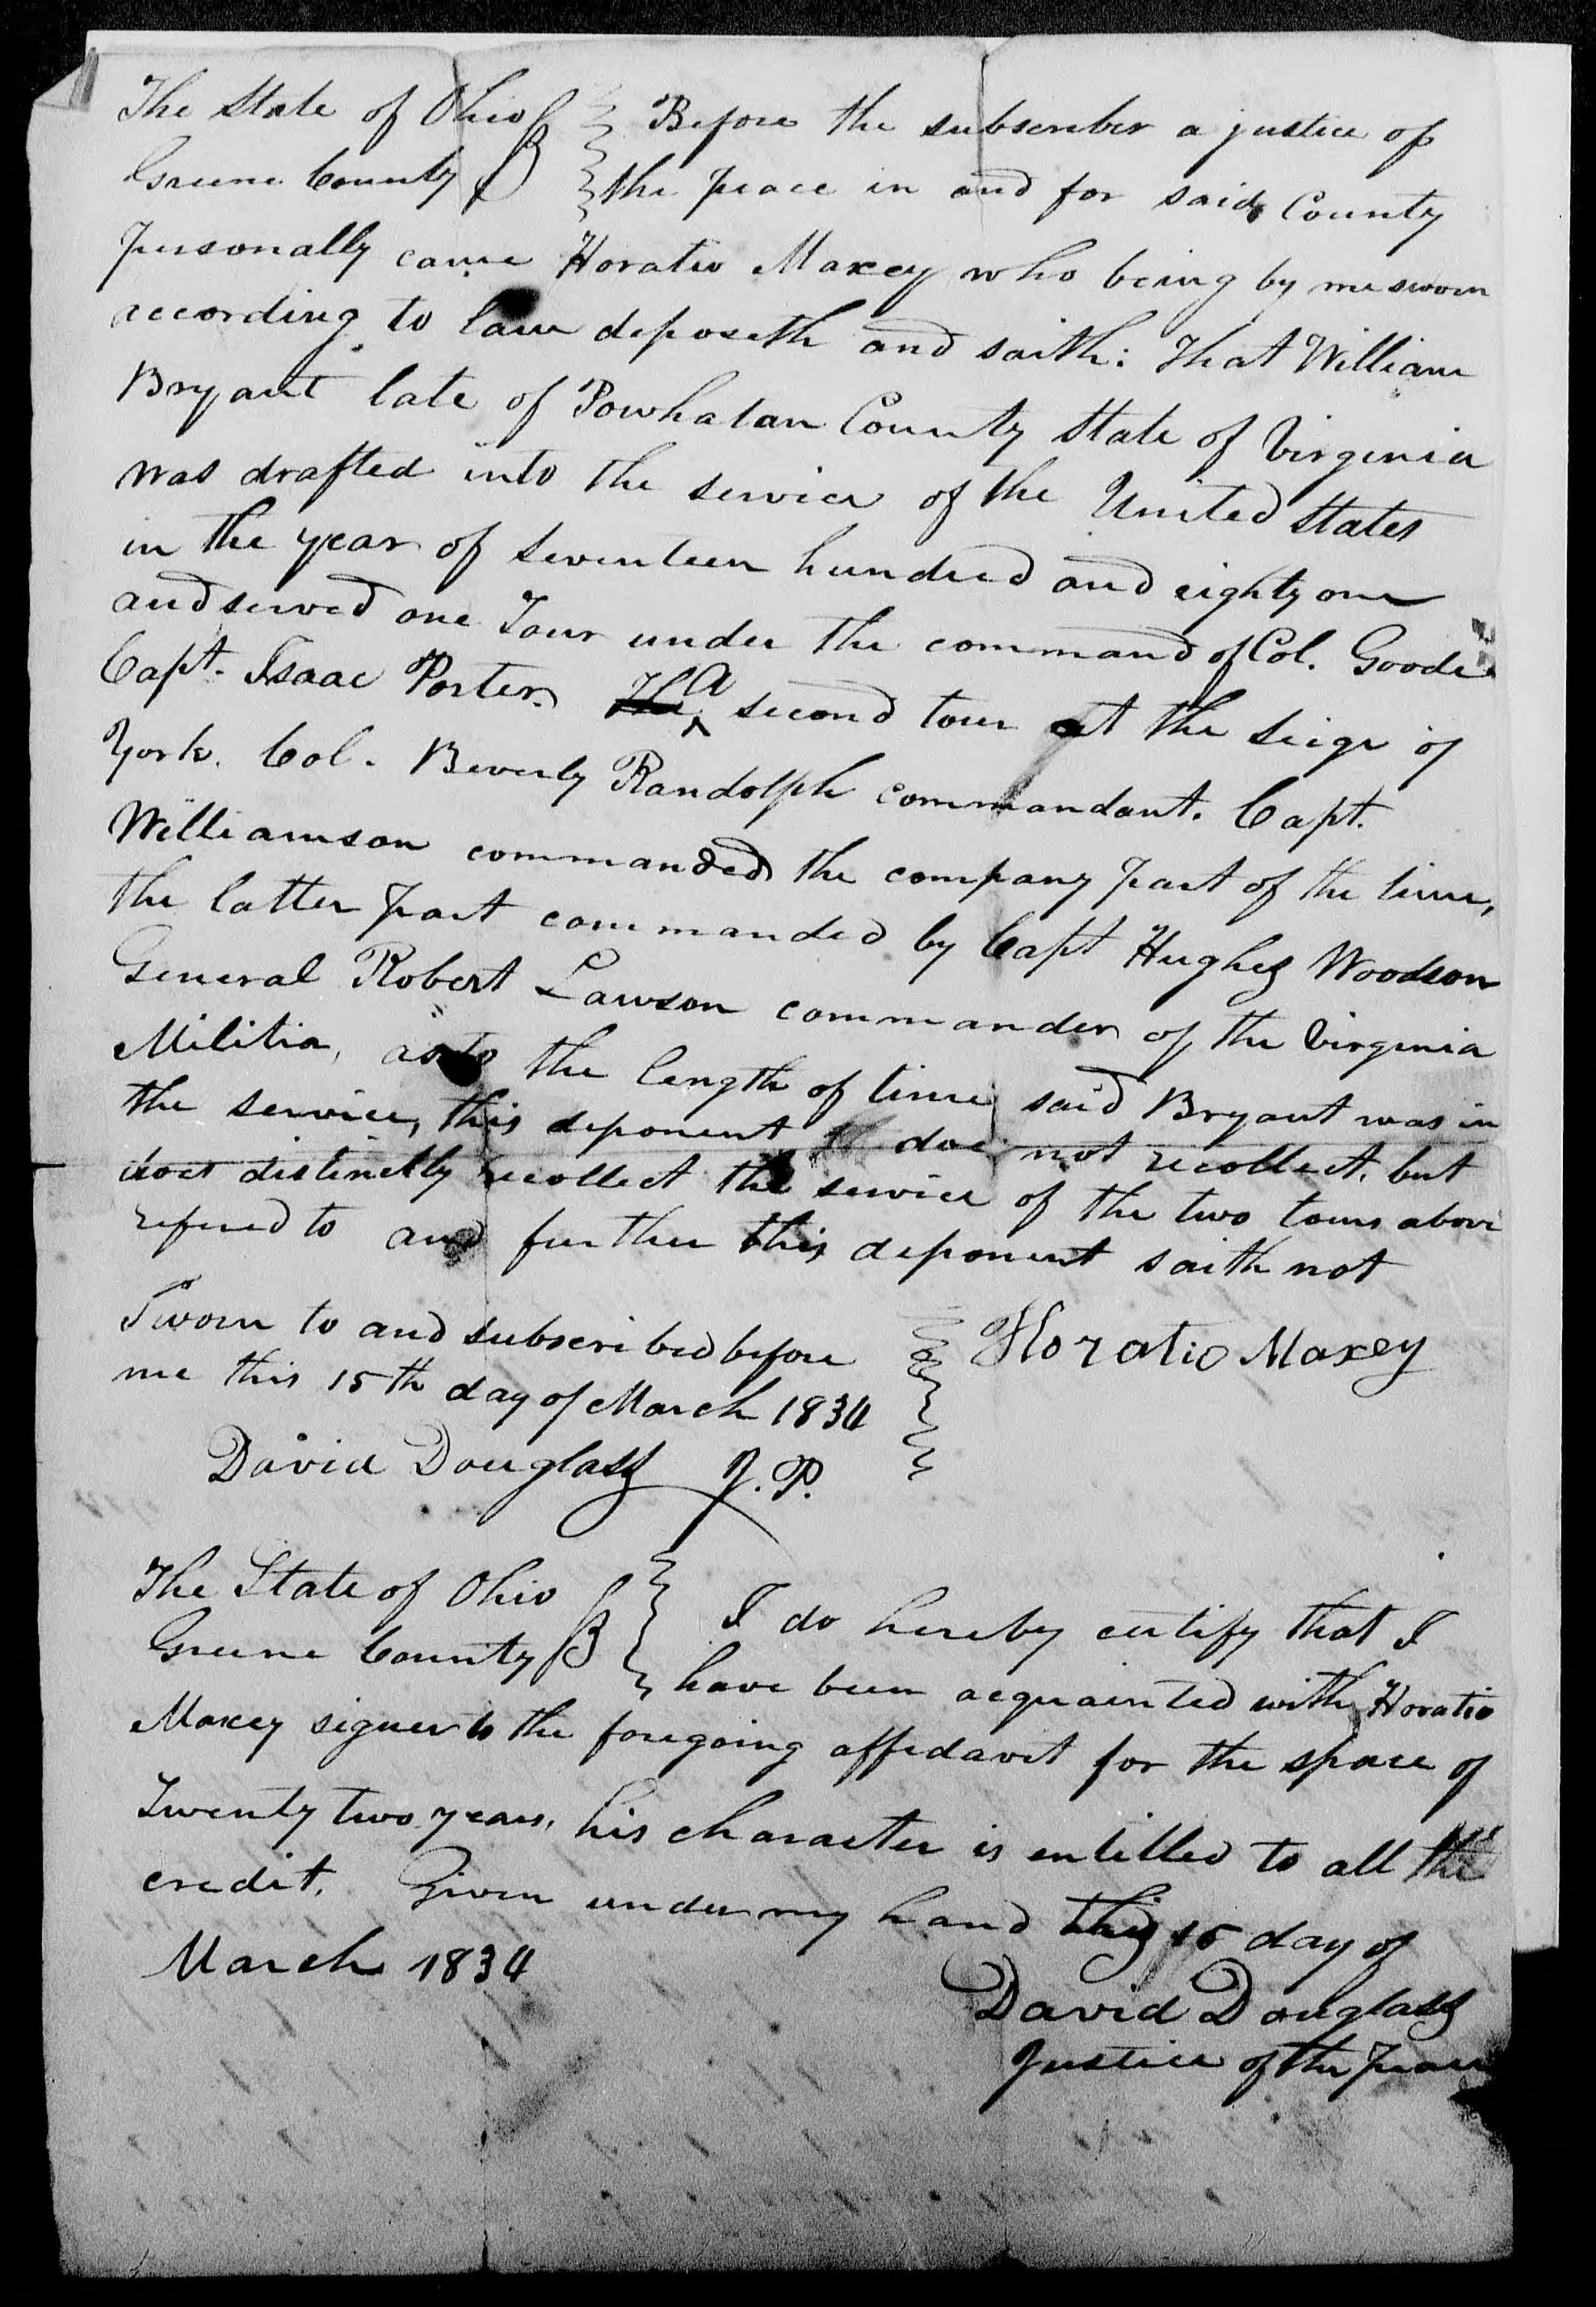The State of Ohio
[illegible] County [illegible]

Before the subscriber a justice of the peace in and for said County personally came Horatio Maxey who being by me sworn according to law [deposeth] and saith: that William Bryant late of Powhatan County State of Virginia was drafted into the service of the United States in the year of Seventeen hundred and eighty one and served one tour under the command of Col. Goode, Capt. Isaac Porter [He crossed out] A second tour at the siege of York. Col. Beverly Randolph commandant. Capt. Williamson commanded the company [part] of the time, the latter [part] commanded by Capt Hughes Woodson General Robert Lawson commander of the Virginia Militia, [smudge] the length of time said Bryant was in the service, this [illegible] not [illegible] distinctly recollect the service of the two tours above [refused] to and further this [illegible] saith not Sworn to and [subscribed] before me this 15th day of March 1836
David Douglass  J.oP. 

Horatio Maxey [signature]

The State of Ohio
[illegible] County [illegible]

I do hereby certify that I have been acquainted with Horatio Maxey signer to the foregoing affidavit for the space of twenty two years, his character is [illegible] to all the [illegible]. Given under my hand this 15th day of March 1834.

David Douglass
Justice of the Peace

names: Horatio Maxey, Hughes Woodson, William Bryant, Bryant, Horatio Maxey, Beverly Randolph, Robert Lawson, David Douglass, David Douglass, Horatio Maxey, Isaac Porter, Williamson, Goode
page: 15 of 31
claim: survivor's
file: S. 3049, William G Bryant, Va.